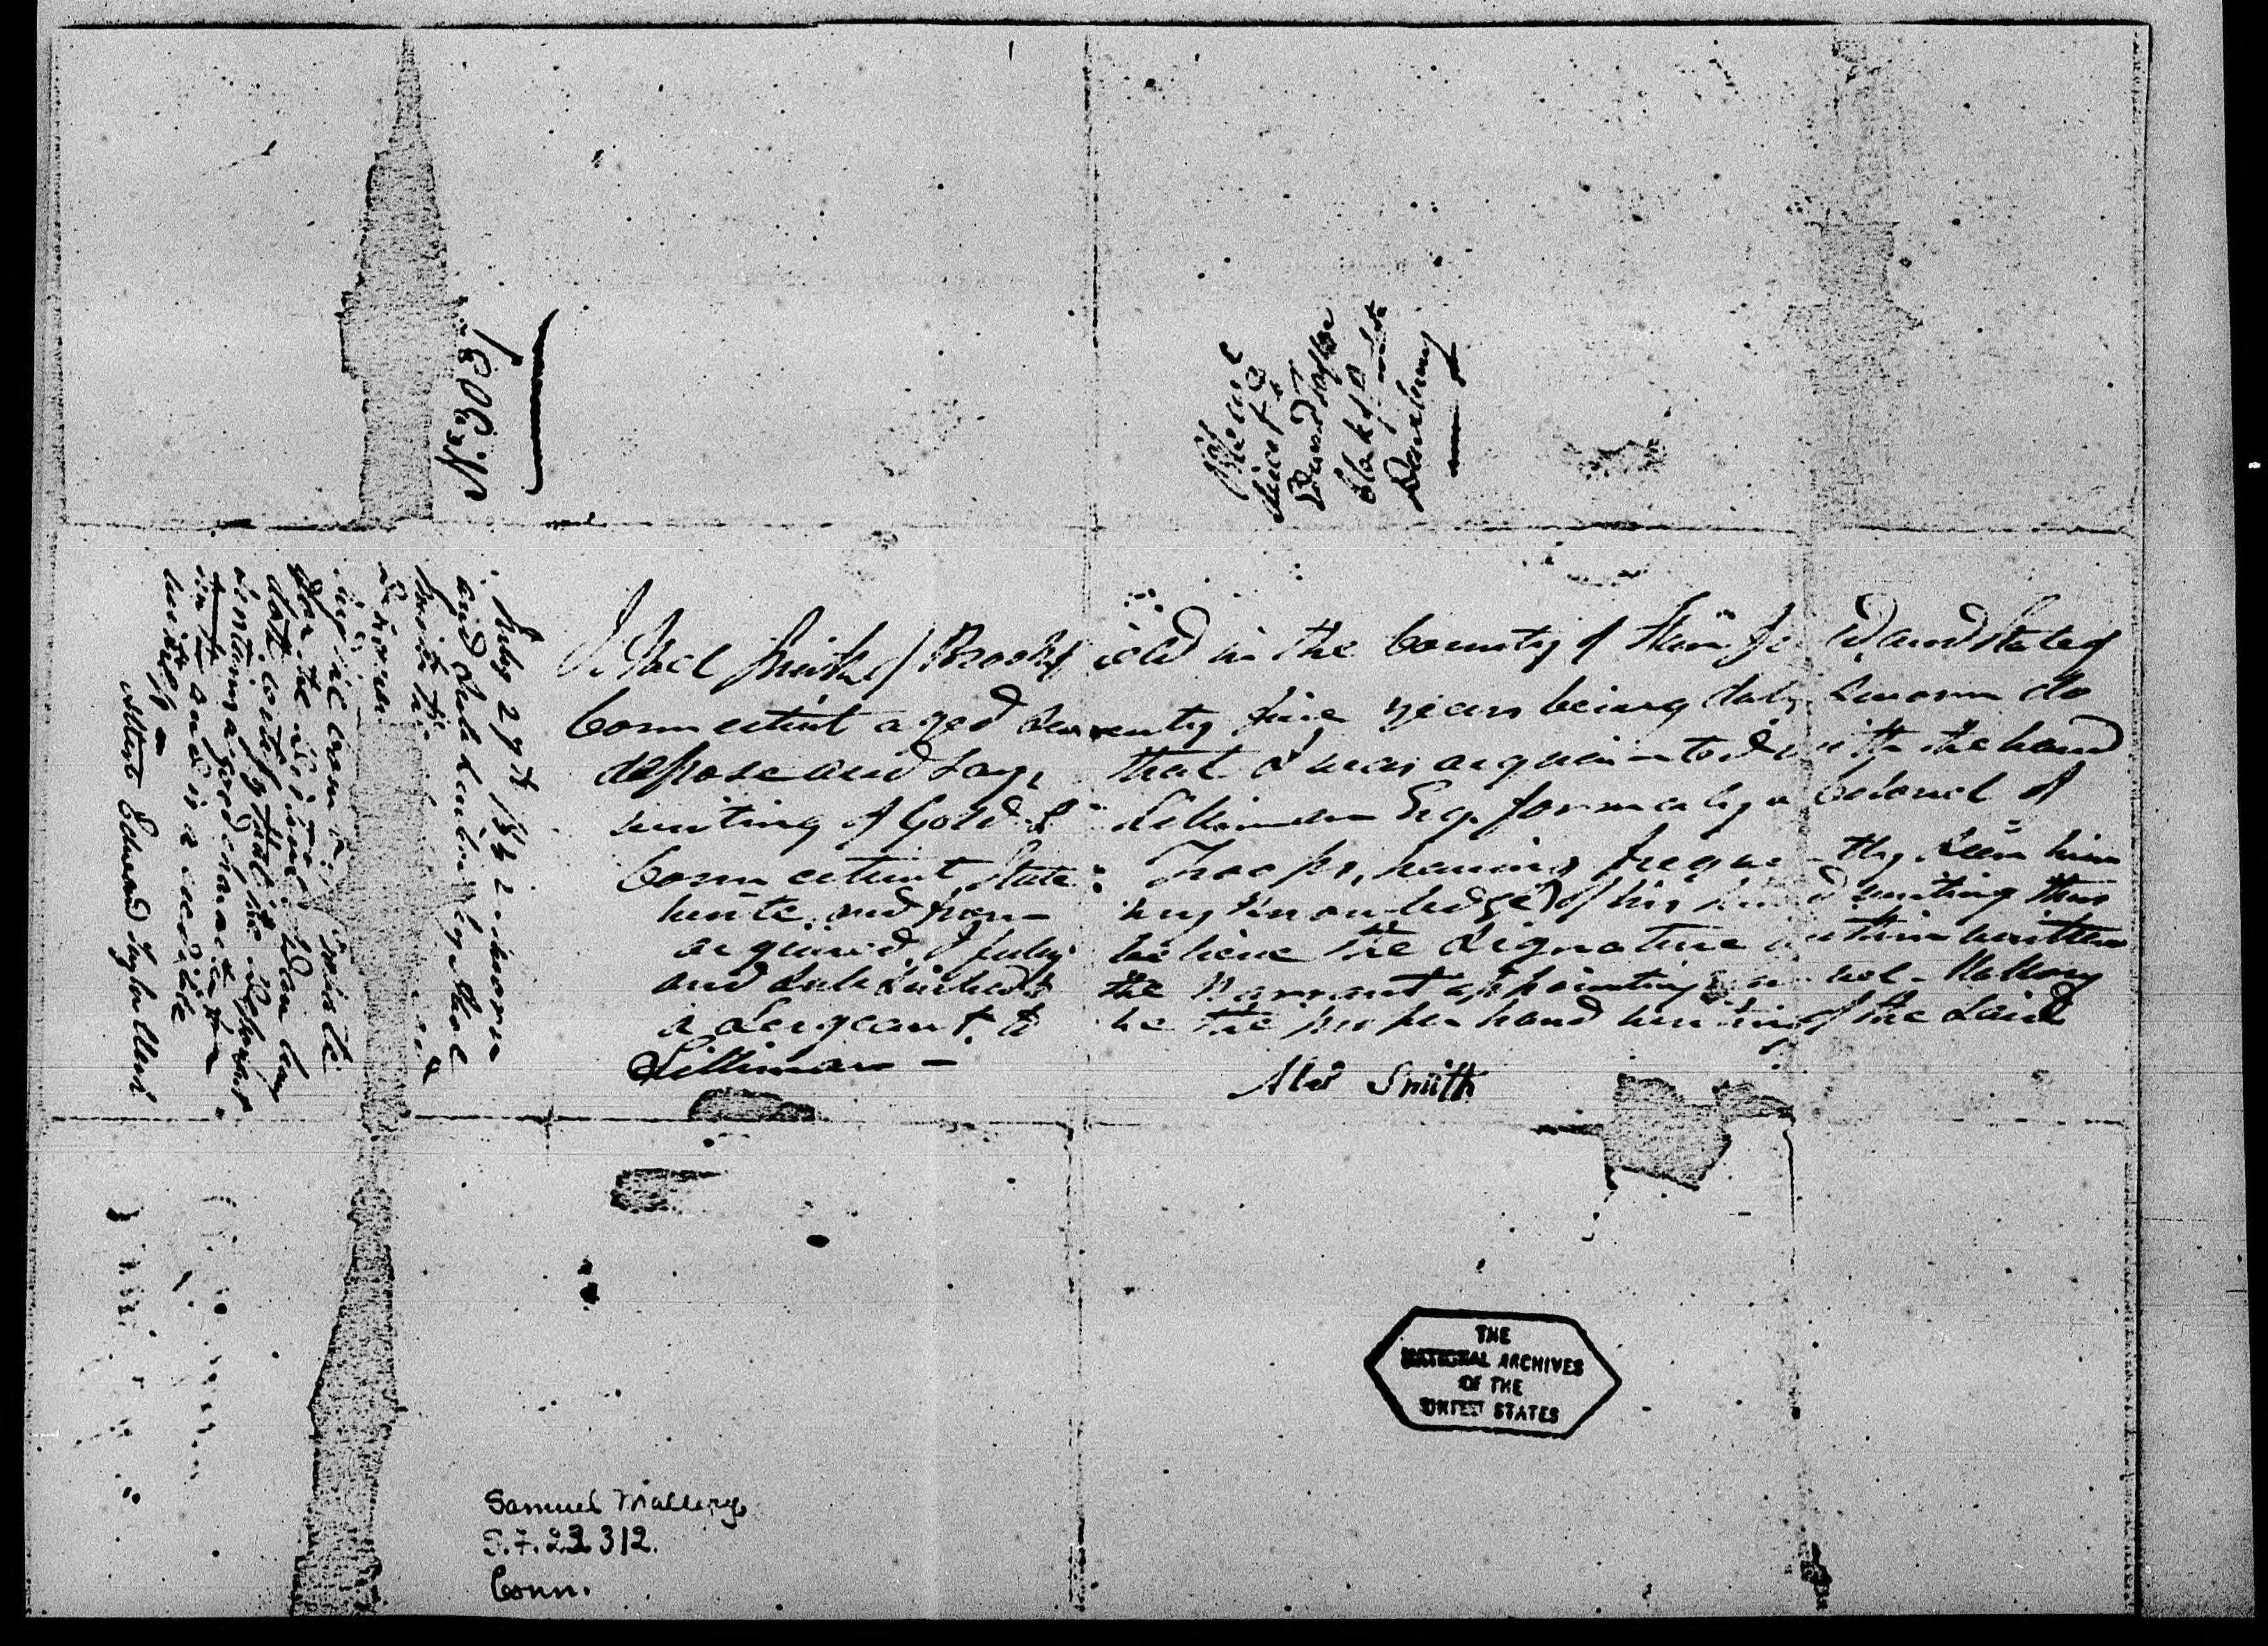No. 3037
Please direct to Edward Taylor Clerk of Probate Danbury
I Alex’r Smith of Brookfield in the County of Fairfield and State of Connecticut aged seventy five years being duly sworn do depose and say that I was acquainted with the hand writing of Gold S. Silliman Esq. formerly a Colonel of Connecticut State Troops having frequently seen him write and from [unreadable] knowledge of his hand writing there acquired, I fully believe the signature within written and subscribed to the warrant appointing Samuel Mallery a Sergeant to be the proper hand writing of the Said Silliman.
Ale’r Smith
[stamp] THE NATIONAL ARCHIVES OF THE UNITED STATES
Samuel Mallery
S. F. 23.312
Conn
July 27th 1832 – Sworn and subscribed by Alexr Smith [unreadable] Court of Probate for the District of Danbury doth certify that the Deponent maintains a good character for truth and is a credible witness.
Attest Edward Taylor Clerk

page: 10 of 29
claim: survivor's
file: S. 23,312, for Samuel Mallery, Connecticut